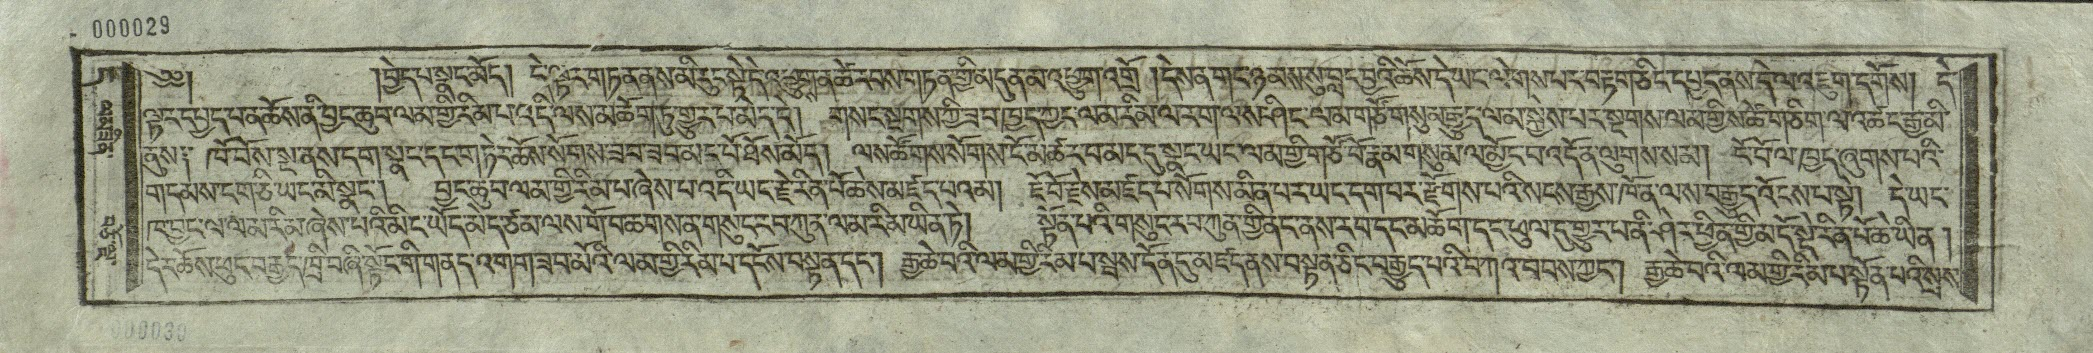༄༅། །བྱེད་པ་སྣང་མོད། དེ་ལྟར་གཏན་ནས་མི་རུང་སྟེ་དེ་འཕྱུགས་ན་ཚེ་རབས་གཏན་གྱི་མདུན་མ་འཕྱུག་འགྲོ་།དེས་ན་གང་ཉམས་སུ་བླང་བྱའི་ཆོས་དེ་ཡང་ལེགས་པར་བརྟག་ཅིང་དཔྱད་ནས་དེ་ལ་འཇུག་དགོས། དེ་
ལྟར་དཔྱད་པ་ན་ཆོས་ནི་བྱང་ཆུབ་ལམ་གྱི་རིམ་པ་འདི་ལས་མཆོག་ཏུ་གྱུར་པ་མེད་དེ། གསང་སྔགས་ཀྱི་ཟབ་ཁྱད་ཀྱང་ལམ་རིམ་ལ་རག་ལས་ཤིང་ལམ་གཙོ་གསུམ་རྒྱུད་ལ་མ་སྐྱེས་པར་སྔགས་ལམ་གྱིས་ཚེ་གཅིག་ལ་འཚང་རྒྱ་མི་
ནུས༑ ཁོ་བོས་སྔ་ནས་དག་སྣང་དང་གཏེར་ཆོས་སོགས་ཟབ་ཟབ་མང་པོ་ཐོས་མོད། ལས་ཚོགས་སོགས་ངོ་མཚར་བ་མང་དུ་སྣང་ཡང་ལམ་གྱི་གཙོ་བོ་རྣམ་གསུམ་ལ་མྱོང་བ་འདོན་ལུགས་སམ། ངོ་བོ་ལ་ཁྱད་ཞུགས་པའི་
གདམས་ངག་ཅི་ཡང་མི་སྣང་། བྱང་ཆུབ་ལམ་གྱི་རིམ་པ་ཞེས་པ་འདི་ཡང་རྗེ་རིན་པོ་ཆེས་མཛད་པའམ། ཇོ་བོ་རྗེས་མཛད་པ་སོགས་མིན་པར་ཡང་དག་པར་རྫོགས་པའི་སངས་རྒྱས་ཁོ་ན་ལས་བརྒྱུད་འོངས་པ་སྟེ། དེ་ཡང་
ཁ་བྱང་ལ་ལམ་རིམ་ཞེས་པའི་མིང་ཡོད་མེད་ཙམ་ལས་གོ་བ་ཆགས་ན་གསུང་རབ་ཀུན་ལམ་རིམ་ཡིན་ཏེ། སྟོན་པའི་གསུང་རབ་ཀུན་གྱི་ནང་ནས་རབ་དང་མཆོག་དང་ཕུལ་དུ་གྱུར་པ་ནི་ཤེར་ཕྱིན་གྱི་མདོ་སྡེ་རིན་པོ་ཆེ་ཡིན།
དེར་ཆོས་ཕུང་བརྒྱད་ཁྲི་བཞི་སྟོང་གི་གནད་འགག་ཟབ་མོའི་ལམ་གྱི་རིམ་པ་དངོས་བསྟན་དང་། རྒྱ་ཆེ་བའི་ལམ་གྱི་རིམ་པ་སྦས་དོན་དུ་མཛད་ནས་བསྟན་ཅིང་བརྒྱུད་པའི་བཀའ་བབས་ཀྱང་། རྒྱ་ཆེ་བའི་ལམ་གྱི་རིམ་པ་སྟོན་པའི་སྲས་